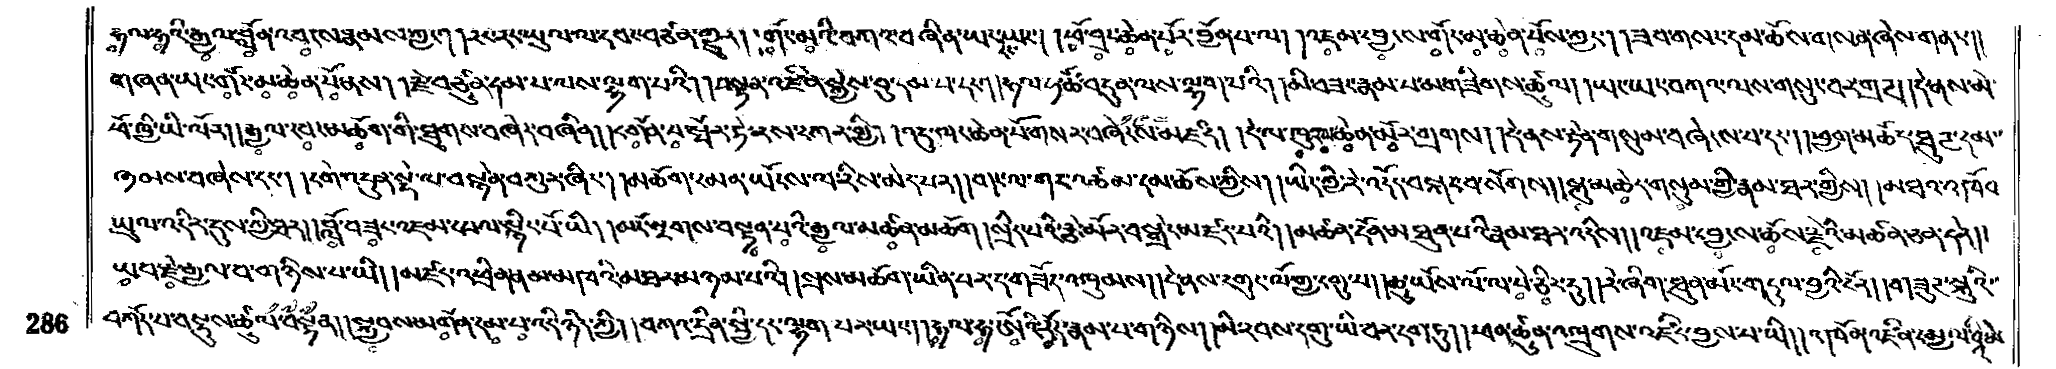ཧལ་ལྷའི་རྒྱལ་བློན་འབངས་རྣམས་ཀྱང་། །རང་རང་ཡུལ་ལ་དབང་བཙན་གྱུར། །གོང་མའི་བཀའ་བཞིན་ཡང་རང་ཡང་། །ཕོ་བྲང་ཆེན་པོར་བྱོན་པ་ལ། །འཇམ་དབྱངས་གོང་མ་ཆེན་པོས་ཀྱང་། །ཟབ་གསང་དམ་ཆོས་གསན་ཞེས་གནང།།
གཞན་ཡང་གོང་མ་ཆེན་པོ་ནས། །རྗེ་བཙུན་དམ་པ་ལས་ལྷག་པའི། །བསྟན་འཛིན་སྐྱེས་བུ་དམ་པ་དང་། །ཧལ་ཧ་ཚོ་བདུན་ལས་ལྷག་པའི། །མི་བཟང་རྣམ་པ་མ་གཟིགས་ཚུལ། །ཡང་ཡང་བཀའ་ལས་གསུང་བར་གྲགས། །དེ་ནས་མེ་
ཕོ་ཁྱི་ཡི་ལོར། །རྒྱལ་དབང་མཆོག་གི་ཐུགས་བཞེད་བཞིན། །དགོན་པ་སྤོར་ཏེ་ནས་དཀར་གྱི། །འདུ་ལང་ཆེན་པོ་གསར་བཞེངས་མཛད། །དེ་ལ་ཁུ་རལ་ཆེན་མོར་གྲགས། །དེ་ནས་རྟེན་གསུམ་བཞེངས་པ་དང་། །ཕྱག་མཆོད་ཐུགས་དམ་
ཉམས་བཞེས་དང་། །དགེ་འདུན་སྡེ་ལ་སྙིན་བཀུར་ཞིང་། །མཆོག་དམན་ཡོངས་ལ་རིས་མེད་པར། །གང་ལ་གང་འཚམ་དམ་ཆོས་ཀྱིས། །ཡིད་ཀྱི་རེ་འདོད་བསྐང་བ་སོགས། །སྐུ་མཆེད་གསུམ་གྱི་རྣམ་ཐར་གྱིས། །མཐའ་འཁོབ་
ཡུལ་འདིར་དུས་ཀྱི་ཐར། །བློ་བཟང་འཇམ་དཔལ་སྙིང་པོ་ཡི། །མདོ་སྔགས་བསྟན་པའི་རྒྱལ་མཚན་མཆོག །སྲིད་པའི་རྩེ་མོར་བསྒྲེང་མཛད་པའི། །མཚན་དོན་མཐུན་པའི་རྣམ་ཐར་འདིས། །འཇམ་དབྱངས་ཆོས་རྗེའི་མཚན་ཅན་དེར།།
ཡབ་རྗེ་རྒྱལ་བ་གཉིས་པ་ཡི། །མཛད་འཕྲིན་ནམ་མཁའི་མཐར་མཉམ་པའི། །སྲས་མཆོག་ཡིན་པར་ད་གཟོད་འཁུམས། །དེ་ནས་དགུང་ལོ་གྱ་དགུ་པ། །ཆུ་ཡོས་ལོ་ལ་པེ་ཅིང་དུ། །རེ་ཞིག་ཐུན་མོང་གདུལ་བྱའི་ངོར། །གཟུགས་སྐུའི་
བཀོད་པ་བསྡུས་ཚུལ་བསྟན། །སྐྱབས་མགོན་དམ་པ་འདི་ཉིད་ཀྱི། །བཀའ་དྲིན་སྤྱི་དང་ལྷག་པར་ཡང་། །ཧལ་ཧ་ཨོའི་རོད་རྣམ་པ་གཉིས། །མི་རབས་དགུ་ཡི་བར་དག་ཏུ། །ཕན་ཚུན་འཁྲུགས་འཛིང་བྱས་པ་ཡི། །འཁོན་འཛིན་དམྱལ་བཱི་མེ་